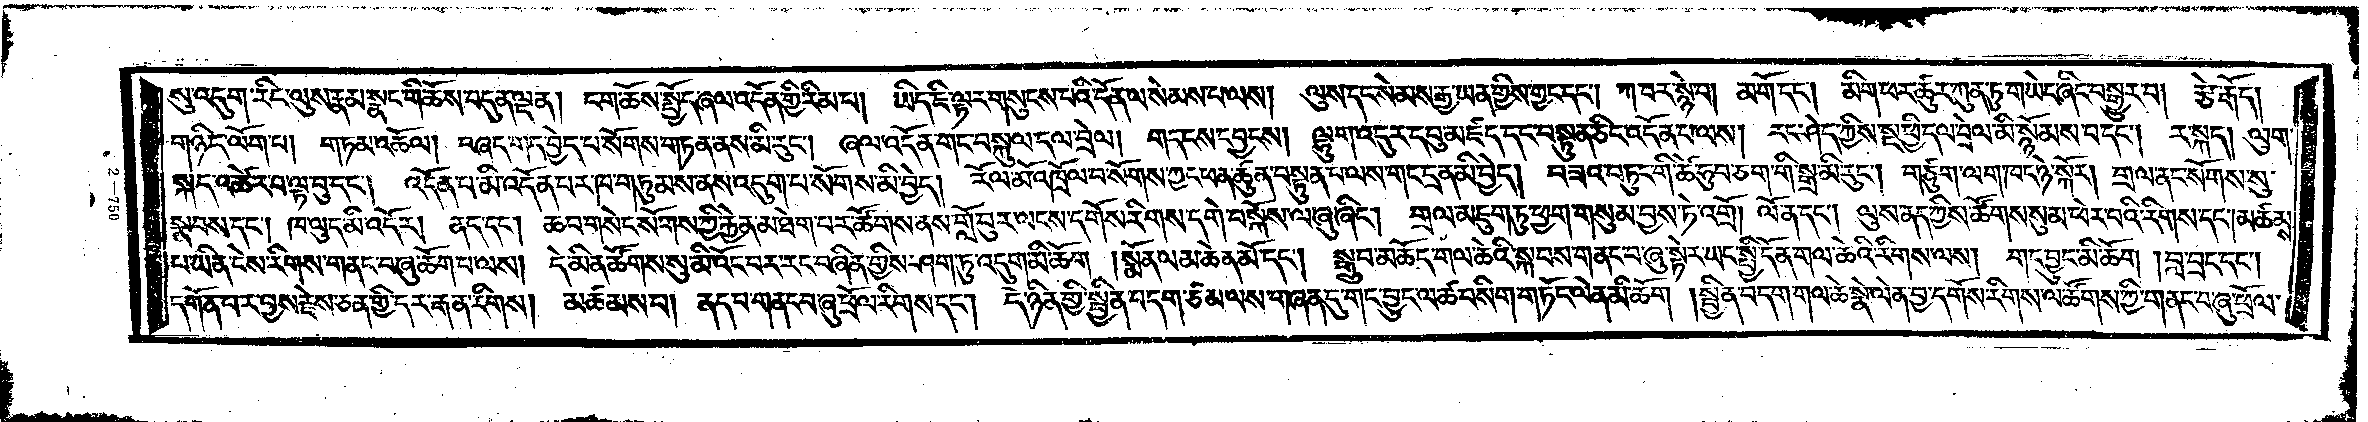སུ་འདུག་རིང་ལུས་རྣམ་སྣང་གི་ཆོས་བདུན་ལྡན། ངག་ཆོས་སྤྱོད་ཞལ་འདོན་གྱི་རིམ་པ། ཡིད་ཇི་ལྟར་གསུངས་པའི་དོན་ལ་སེམས་པ་ལས། ལུས་དང་སེམས་རྒྱ་ཡན་གྱིས་གྱང་དང་། ཀ་བར་སྙེ་བ། མགོ་དང་། མིག་ཕར་ཚུར་ཀུན་ཏུ་གཡེང་ཞིང་བསྒྱུར་བ། རྩེ་རྒོད།
གཉིད་ལོག་པ། གཏམ་འཆོལ། བཞད་གད་བྱེད་པ་སོགས་གཏན་ནས་མི་རུང་། ཞལ་འདོན་གང་བསྐུལ་དལ་བྲེལ། གདངས་དབྱངས། ལྷུག་འདུར་དབུ་མཛད་དང་ལྷུན་ཅིང་འདོན་པ་ལས། རང་ཤེད་ཀྱིས་སྔ་ཕྱི་དལ་བྲེལ་མི་སྙོམས་པ་དང་། ར་སྐད། ལུག་
སྐད་འཚེར་བ་ལྟ་བུ་དང་། འདོན་པ་མི་འདོན་པར་ཁ་གཏུམས་ནས་འདུག་པ་སོགས་མི་བྱེད། རོལ་མོ་འཁྲོལ་བ་སོགས་ཀྱང་ཕན་ཚུན་བསྟུན་པ་ལས་གང་དྲན་མི་བྱེད། བཟའ་བཏུང་གི་ཚེ་ཧུབ་ཅག་གི་སྒྲ་མི་རུང་། གཙུག་ལག་ཁང་ཉེ་སྐོར། གྲལ་ནང་སོགས་སུ་
སྣབས་དང་། ཁ་ལུད་མི་འདོར། ནད་དང་། ཆབ་གསེང་སོགས་ཀྱི་རྐྱེན་མ་ཐེག་པར་ཚོགས་ནས་གློ་བུར་ལངས་དགོས་རིགས་དགེ་བསྐོས་ལ་ཞུ་ཞིང་། གྲལ་མཇུག་ཏུ་ཕྱག་གསུམ་བྱས་ཏེ་འགྲོ། ལོན་དང་། ལུས་ནད་ཀྱིས་ཚོགས་སུམ་ཕེར་བའི་རིགས་དང་། མཚམས་
པ་ཡིན་ངེས་རིགས་གནང་བཞུ་ཆོག་པ་ལས། དེ་མིན་ཚོགས་སུ་མི་འོང་བར་རང་བཞིན་གྱིས་ཤག་ཏུ་འདུག་མི་ཆོག །སྨོན་ལམ་ཆེན་མོ་དང་། སྒྲུབ་མཆོད་གལ་ཆེའི་སྐབས་གནང་བ་ཞུ་སྟེར་ཡང་སྤྱི་དོན་གལ་ཆེའི་རིགས་ལ། གང་བྱུང་མི་ཆོག །བླ་བྲང་དང་།
དགོན་པར་བྱས་རྗེས་ཅན་གྱི་དར་རྒན་རིགས། མཚམས་པ། ནད་པ་གནང་བ་ཞུ་ཕྲོལ་རིགས་དང་། དེ་ཉིན་གྱི་སྦྱིན་བདག་ཙམ་ལས་གཞན་དུ་གང་བྱུང་ལ་ཚ་བསིག་གཏོང་ལེན་མི་ཆོག །སྦྱིན་བདག་གལ་ཆེ་ལེན་བྱ་དགོས་རིགས་ལ་ཚོགས་ཀྱི་གནང་བ་ཞུ་ཕྲོལ་